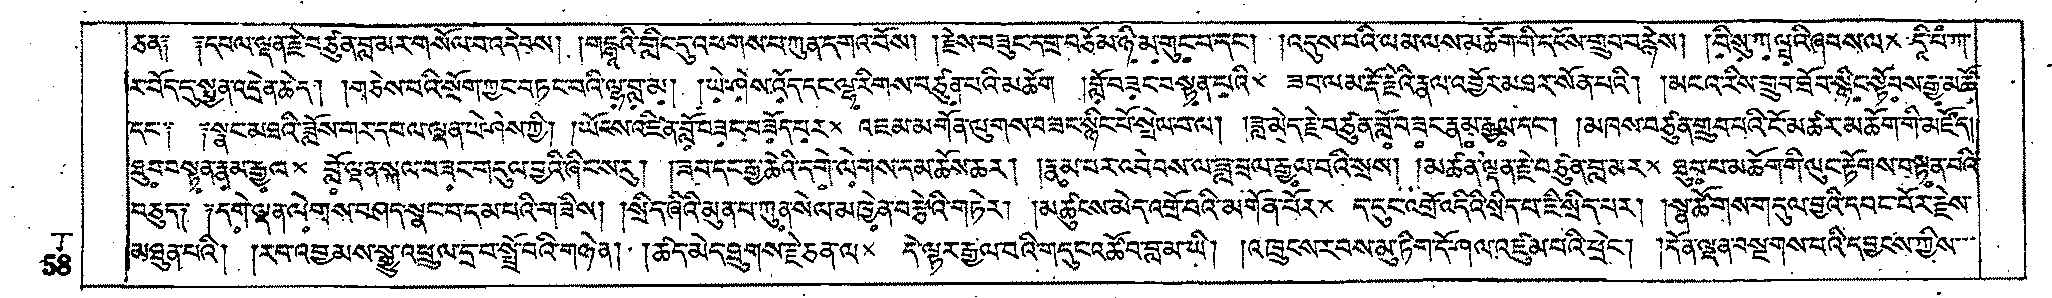ཅན༑ ༑དཔལ་ལྡན་རྗེ་བཙུན་བླ་མར་གསོལ་བ་འདེབས། །གངྒཱའི་གླིང་དུ་འཕགས་པ་ཀུན་དགའ་བོས། །རྗེས་བཟུང་དགྲ་བཅོམ་ཉི྾་མ྾་གུང྾་པ་དང་། །འདུས་པའི་ལམ་ལས་མཚོག་གི་དངོས་གྲུབ་བརྙེས། །བི྾་སུ྾་ཀ྾་ལྤ྾འི་ཞབས་ལ་྾་དཱི་པཾ་ཀ་
ར་བོད་དུ་སྤྱན་འདྲེན་ཆེད། །གཅེས་པའི་སྲོག་ཀྱང་བཏང་བའི་ལྷ྾་བླ྾་མ྾། །ཡེ྾་ཤེས྾་འོད྾་དང་ལྷ྾་རིགས་བཙུན྾་པའི་མཆོག །བློ྾་བཟང྾་བསྟན྾་པའི྾་྾་ཟབ་ལམ་རྡོ་རྗེའི་རྣལ་འབྱོར་མཐར་སོན་པའི། །མངའ་རིས་གྲུབ་ཐོབ་སྙིང྾་སྟོབས྾་རྒྱ྾་མཚོ་
དང༑ ༑སྣང་མཐའི་ཟློས་གར་དཔལ་ལྡན་ཡེ་ཤེས་ཀྱི། །ཡོངས་འཛིན་བློ྾་བཟང྾་བཟོད྾་པར྾་྾་འཇམ་མགོན་ལུགས་བཟང་སྙིང་པོ་སྤེལ་བ་ལ། །ཟླ་མེད་རྗེ་བཙུན་བློ྾་བཟང྾་རྣམ྾་རྒྱལ྾་དང་། །མཁས་བཙུན་གྲུབ་པའི་ངོ་མཚར་མཆོག་གི་མཛོད།
ཐུབ྾་བསྟན྾་རྣམ྾་རྒྱལ྾་྾་བློ྾་ལྡན་སྐལ་བཟང྾་གདུལ་བྱའི་ཞིང་ས་རུ། །ཟབ་དང་རྒྱ་ཆེའི་དགེ྾་ལེགས྾་དམ་ཆོས་ཆར། །རྣམ྾་པར་འབེབས་ལ་ཟླ་བྲལ་རྒྱལ྾་བའི་སྲས། །མཚན་ལྡན་རྗེ་བཙུན་བླ་མར་྾་ཐུབ྾་པ་མཆོག་གི་ལུང་རྟོགས་བསྟན྾་པའི་
བཅུད༑ ༑དགེ྾་ལྡན་ལེགས྾་བཤད་སྣང་བ་དམ་པའི་གཟིས། །སྲིད་ཞིའི་མུན་པ་ཀུན྾་སེལ་མཁྱེན་བརྩེའི་གཏེར། །མཚུངས་མེད་འགྲོ་བའི་མགོན་པོར་྾་ད་དུང་འགྲོ་འདིའི་སྲིད་པ་ཇི་སྲིད་པར། །སྣ་ཚོགས་གདུལ་བྱའི་དབང་པོར་རྗེས་
མཐུན་པའི། །རབ་འབྱམས་སྒྱུར་འཕྲུལ་དྲ་བ་སྤྲོ་བའི་གཉེན། །ཚད་མེད་ཐུགས་རྗེ་ཅན་ལ་྾་དེ་ལྟར་རྒྱལ་བའི་གདུང་འཚོབ་བླ་མ་ཡི། །འཁྲུངས་རབས་མུ་ཏིག་དོ་ཤལ་འཛུམ་པའི་ཕྲེང་། །དོན་ལྡན་བསྔགས་པའི་དབྱངས་ཀྱིས་་་